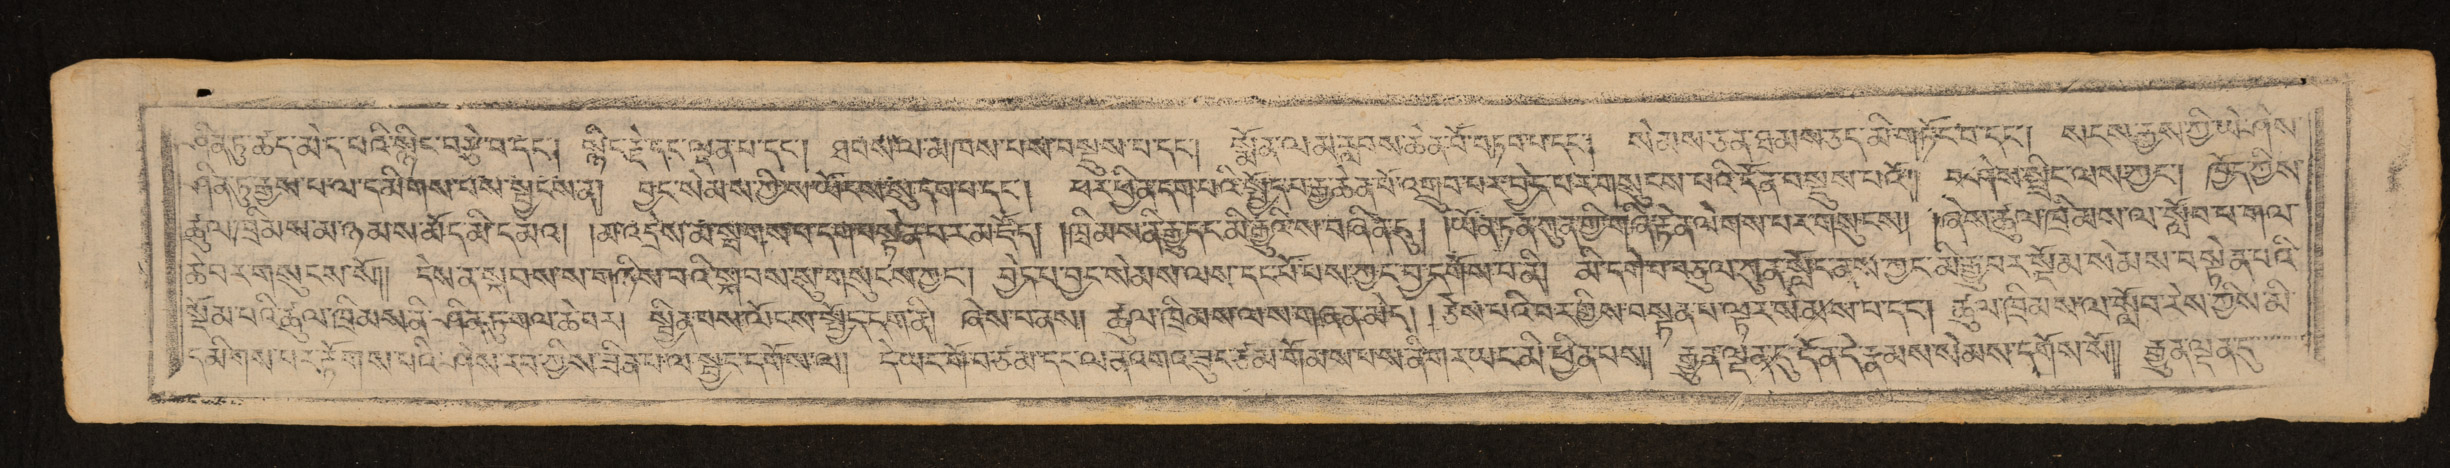ཤིན་ཏུ་ཚད་མེད་པའི་སྙིང་བརྩེ་བ་དང་། སྙིང་རྗེ་དང་ལྡན་པ་དང་། ཐབས་ལ་མཁས་པས་བསྡུས་པ་དང་། སྨོན་ལམ་རླབས་ཆེན་པོ་བཏབ་པ་དང་། སེམས་ཅན་ཐམས་ཅད་མི་གཏོང་བ་དང་། སངས་རྒྱས་ཀྱི་ཡེ་ཤེས་
ཤིན་ཏུ་རྒྱས་པ་ལ་དམིགས་པས་སྦྱངས་ན། བྱང་སེམས་ཀྱི་ས་ཡོངས་སུ་དག་པ་དང་། ཕར་ཕྱིན་དག་པའི་སྤྱོད་པ་རྒྱ་ཆེན་པོ་འགྲུབ་པར་བྱེད་པར་གསུངས་པའི་དོན་བསྡུས་པའོ།། བཤེས་སྤྲིང་ལས་ཀྱང་། ཁྱོད་ཀྱིས་
ཚུལ་ཁྲིམས་མ་ཉམས་མོད་མི་དམའ། །མ་འདྲེས་མ་སྤགས་པ་དག་བསྟེན་པར་མཛོད། །ཁྲིམས་ནི་རྒྱུ་དང་མི་རྒྱུའི་ས་བཞིན་དུ། །ཡོན་ཏན་ཀུན་གྱི་གཞི་རྟེན་ལེགས་པར་གསུངས། །ཞེས་ཚུལ་ཁྲིམས་ལ་སློབ་པ་གལ་
ཆེ་བར་གསུངས་སོ།། དེས་ན་སྐབས་ས་གཉིས་པའི་སྐབས་སུ་གསུངས་ཀྱང་། བྱེད་པ་བྱང་སེམས་ལས་དང་པོ་པས་ཀྱང་བྱ་དགོས་པ་ནི། མི་དགེ་བ་བཅུ་ལ་ཀུན་སློང་ནས་ཀྱང་མི་རྒྱུ་བར་སྡོམ་སེམས་བསྟེན་པའི་
སྡོམ་པའི་ཚུལ་ཁྲིམས་ནི་ཤིན་ཏུ་གལ་ཆེ་བར། སྦྱིན་པས་ལོངས་སྤྱོད་དག་ནི། ཞེས་པ་ནས། ཚུལ་ཁྲིམས་ལས་གཞན་མེད། །ཅེས་པའི་བར་གྱིས་བསྟན་པ་ལྟར་སེམས་པ་དང་། ཚུལ་ཁྲིམས་ལ་སློབ་རེས་ཀྱིས་མི་
དམིགས་པར་རྟོགས་པའི་ཤེས་རབ་ཀྱིས་ཟིན་པ་ལ་སྦྱང་དགོས་ལ། དེ་ཡང་གོ་བ་ཙམ་དང་ལན་འགའ་ཟུང་ཙམ་གོམས་པས་ནི་གར་ཡང་མི་ཕྱིན་པས། རྒྱུན་ལྡན་དུ་དོན་དེ་རྣམས་སེམས་དགོས་སོ།། རྒྱུན་ལྡན་དུ་